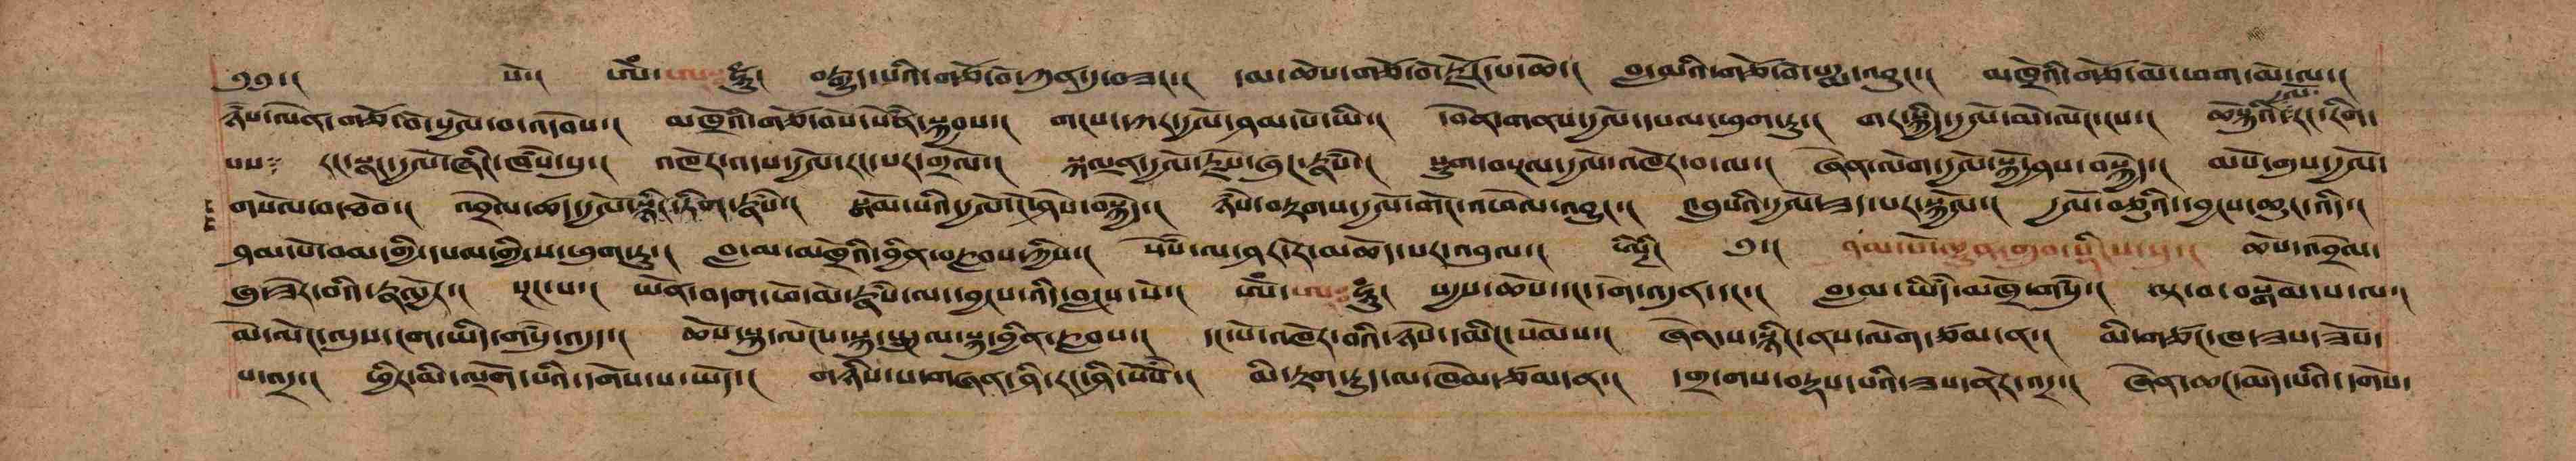༄༅་། སོ། ཨོཾ་ཨཿཧཱུཾ། བརྒྱུད་པའི་གཙོ་བོ་ཀུན་དུ་བཟང་། དམ་ཆོས་གཙོ་བོ་རྫོགས་པ་ཆེ། བླ་མའི་གཙོ་བོ་པདྨ་འབྱུང་། མཁའ་འགྲོའི་གཙོ་མོ་ཕག་མོ་ལ།
 ཉམས་ལེན་གཙོ་བོ་གསོལ་བ་འདེབས། མཁའ་འགྲོའི་གཙོ་བོས་སེམས་ཅན་སྐྱབས། གངས་དཀར་རྒྱལ་པོ་ཤམ་པོ་ཡི། དབེན་གནས་རྒྱལ་པོ་དཔལ་ཕུག་ཏུ། གར་སྐྱིད་རྒྱལ་པོ་མེ་ལོང་ངས། ཆོས་སྐུའི་རྒྱལ་པོ་རང་རིག་
པས༑། རང་སྣང་རྒྱལ་པོ་ཞིང་ཁམས་སུ། འཁོར་འདས་རྒྱལ་པོ་རང་སར་གྲོལ། སྐལ་ལྡན་རྒྱལ་པོ་རྗེས་ཞུགས་རྣམས། སྡུག་བསྔལ་རྒྱལ་པོ་འཁོར་བ་ལ། ཞེན་ལོག་རྒྱལ་པོ་སྐྱོ་ཤས་བསྐྱེད། མོས་གུས་རྒྱལ་པོ་
གསོལ་བ་འདེབས། འབྲེལ་ཚད་རྒྱལ་པོ་སྙིང་ཏིག་རྣམས། སྒོམ་པའི་རྒྱལ་པོ་ངེ་ཤེས་བསྐྱེད། ཉམས་བརྟགས་རྒྱལ་པོ་གོང་འཕེལ་འབྱུང་། འབྲས་བུའི་རྒྱལ་པོ་ཟད་སར་སྐྱོལ། རྒྱལ་པོ་བཅུའི་དབྱངས་ཆུང་འདི། 
ཤམ་པོ་བམ་གྱི་དཔལ་གྱི་ས་ཕུག་ཏུ། བླ་མ་མཁའ་འགྲོའི་བྱིན་རླབས་ཀྱིས། སེམས་ལ་ཤར་རོ་མཆོད་པར་འབུལ། ཨིཊི། ༄་། ཤམ་པོ་ལྷུན་གྲུབ་སྡིངས་སུ། ཆོས་འབྲེལ་
ཞུ་ཟེར་བའི་རྣལ་འབྱོར། སྔགས་པ། ཡོན་བདག་ཕོ་མོ་རྣམས་ལ་དབྱངས་འདི་བླངས་སོ། ཨོཾ་ཨཿཧཱུཾ། སངས་རྒྱས་ཆོས་དང་དགེ་འདུན་དང་། བླ་མ་ཡིད་དམ་མཁའ་འགྲོ་གསུམ། ལྟ་བ་སྒོམ་པ་ལ། 
མེ་ལོང་ལུས་ངག་ཡིད་གསུམ་འདུད། ཆོས་སྐུ་ལོངས་སྐུ་སྤྲུལ་སྐུ་བྱིན་རླབས། དང་པོ་འཁོར་བའི་ཉེས་དམིགས་སེམས། ཞེན་པ་སྙིང་ནས་ལོག་ཙམ་ན། མི་གཙང་ཁ་ཟས་ཟོས་
པ་འདྲ། ཕྱིར་མི་ལྡོག་པའི་དགོས་པ་ཡོད། གཉིས་པ་གཞན་ཤི་རང་ཤི་སེམས། མི་རྟག་རྒྱུད་ལ་ཁེལ་ཙམ་ན། དགྲ་གས་བརྡས་པའི་ཟས་ནོར་འདྲ། ཞེན་ཆགས་མེད་པའི་དགོས་